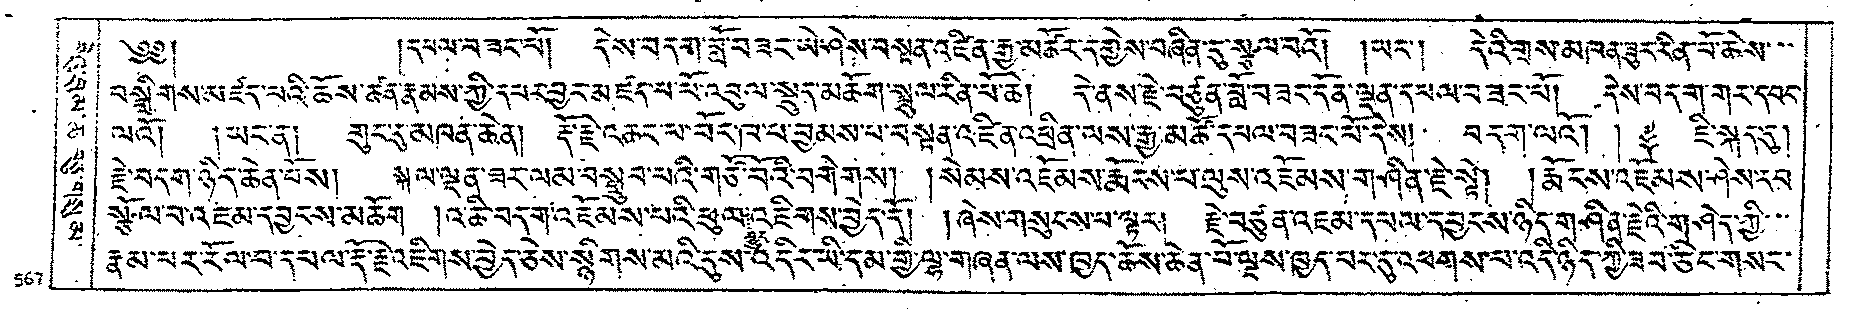༄༅། །དཔལ་བཟང་པོ། དེས་བདག་བློ་བཟང་ཡེ་ཤེས་བསྟན་འཛིན་རྒྱ་མཚོར་དགྱེས་བཞིན་དུ་སྩལ་བའོ། །ཡང་། དེའི་གྲས་མཁན་ཟུར་རིན་པོ་ཆེས་
བསྒྲིགས་མཛད་པའི་ཆོས་ཚན་རྣམས་ཀྱི་དཔར་བྱང་མཛད་པ་པོ་འབུལ་སྡུད་མཆོག་སྤྲུལ་རིན་པོ་ཆེ། དེ་ནས་རྗེ་བཙུན་བློ་བཟང་དོན་ལྡན་དཔལ་བཟང་པོ། དེས་བདག་གར་དབང་
ལའོ། །ཡང་ན། གུང་རུ་མཁན་ཆེན། རྡོ་རྗེ་འཆང་ཕ་བོང་ཁ་པ་བྱམས་པ་བསྟན་འཛིན་འཕྲིན་ལས་རྒྱ་མཚོ་དཔལ་བཟང་པོ་དེས། བདག་ལའོ། ། ༈ ཇི་སྐད་དུ།
རྗེ་བདག་ཉིད་ཆེན་པོས། སྐལ་ལྡན་ཐར་ལམ་བསྒྲུབ་པའི་གཙོ་བོའི་བགེགས། །སེམས་འཇོམས་རྨོངས་པ་ལུས་འཇོམས་གཤིན་རྗེ་སྟེ། །རྨོངས་འཇོམས་ཤེས་རབ་
སྩོལ་བ་འཇམ་དབྱངས་མཆོག །འཆི་བདག་འཇོམས་པའི་ཕུལ་བྱུང་འཇིགས་བྱེད་དོ། །ཞེས་གསུངས་པ་ལྟར། རྗེ་བཙུན་འཇམ་དཔལ་དབྱངས་ཉིད་གཤིན་རྗེའི་གཤེད་ཀྱི་
རྣམ་པར་རོལ་བ་དཔལ་རྡོ་རྗེ་འཇིགས་བྱེད་ཅེས་སྙིགས་མའི་དུས་འདིར་ཡི་དམ་གྱི་ལྷ་གཞན་ལས་ཁྱད་ཆོས་ཆེན་པོ་ལྔས་ཁྱད་པར་དུ་འཕགས་པ་འདི་ཉིད་ཀྱི་ཟབ་ཅིང་གསང་